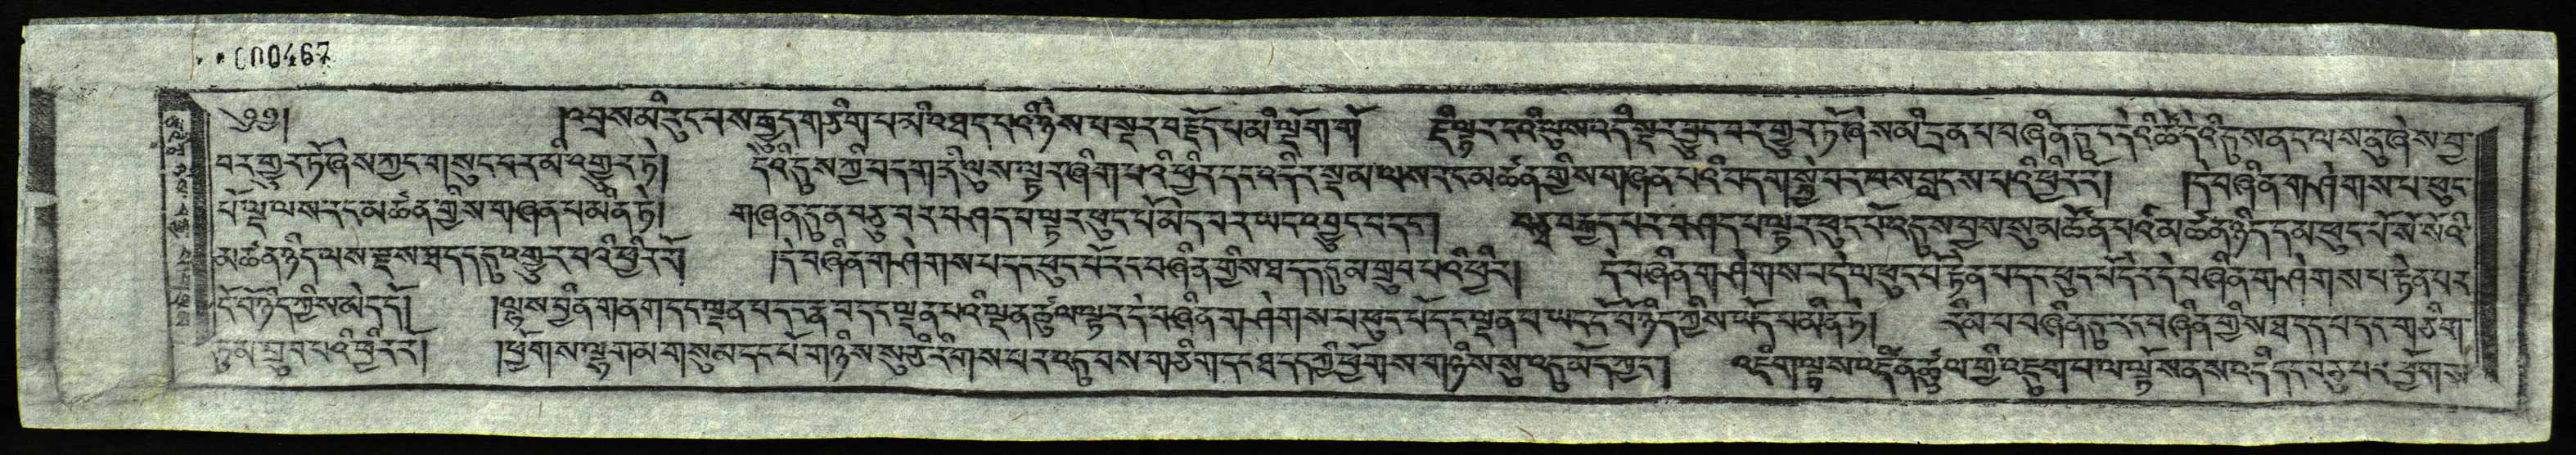༄༅། །འབྲས་མི་རུང་པས་རྒྱུད་གཅིག་པ་མི་འཐད་པའི་ཉེས་པ་སྔར་བརྗོད་པ་མི་ལྡོག་གོ་ཇི་ལྟར་ངའི་ལུས་འདི་སྔར་བྱུང་བར་གྱུར་ཏོ་ཞེས་མི་དྲན་པ་བཞིན་དུ་ང་དེའི་ཚེ་དེའི་དུས་ན་ང་ལས་ནུ་ཞེས་བྱ་
བར་གྱུར་ཏོ་ཞེས་ཀྱང་གསུང་བར་མི་འགྱུར་ཏེ། དེའི་དུས་ཀྱི་བདག་ནི་ལུས་ལྟར་ཞིག་པའི་ཕྱིར་དང་འདིར་སྔ་མ་ལས་རང་མཚན་གྱིས་གཞན་པའི་བདག་སྐྱེ་བར་ཁས་བླངས་པའི་ཕྱིར་རོ། །དེ་བཞིན་གཤེགས་པ་ཕུང་
པོ་ལྔ་ལས་རང་མཚན་གྱིས་གཞན་པ་མིན་ཏེ། གཞན་དུ་ན་བཅུ་པར་བཤད་པ་ལྟར་ཕུང་པོ་མེད་པར་ཡང་འབྱུང་བ་དང་། བཅྭ་བརྒྱད་པར་བཤད་པ་ལྟར་ཕུང་པོ་འདུས་བྱས་སུ་མཚོན་པའི་མཚན་ཉིད་དམ་ཕུང་པོ་སོ་སོའི་
མཚན་ཉིད་ལས་རྫས་ཐ་དད་དུ་འགྱུར་བའི་ཕྱིར་རོ། །དེ་བཞིན་གཤེགས་པ་དང་ཕུང་པོ་རང་བཞིན་གྱིས་ཐ་དད་དུ་མ་གྲུབ་པའི་ཕྱིར། དེ་བཞིན་གཤེགས་པ་དེ་ལ་ཕུང་པོ་རྟེན་པ་དང་ཕུང་པོ་དེར་དེ་བཞིན་གཤེགས་པ་རྟེན་པར་
ངོ་བོ་ཉིད་ཀྱིས་མེད་དོ། །ལྷས་བྱིན་གནག་དང་ལྡན་པ་དང་རྣ་བ་དང་ལྡན་པའི་ལྡན་ཚུལ་ལྟར་དེ་བཞིན་གཤེགས་པ་ཕུང་པོ་དང་ལྡན་པ་ཡང་ངོ་བོ་ཉིད་ཀྱིས་ཡོད་པ་མིན་ཏེ། རིམ་པ་བཞིན་དུ་རང་བཞིན་གྱིས་ཐ་དད་པ་དང་གཅིག་
ཏུ་མ་གྲུབ་པའི་ཕྱིར་རོ། །ཕྱོགས་ལྷག་མ་གསུམ་དང་པོ་གཉིས་སུ་ཅི་རིགས་པར་འདུ་བས་གཅིག་དང་ཐ་དད་ཀྱི་ཕྱོགས་གཉིས་སུ་འདུ་མོད་ཀྱང་། འཇིག་ལྟས་འཛིན་ཚུལ་གྱི་འཇུག་པ་ལ་ལྟོས་ནས་འདི་དང་བཅུ་པར་ཕྱོགས་